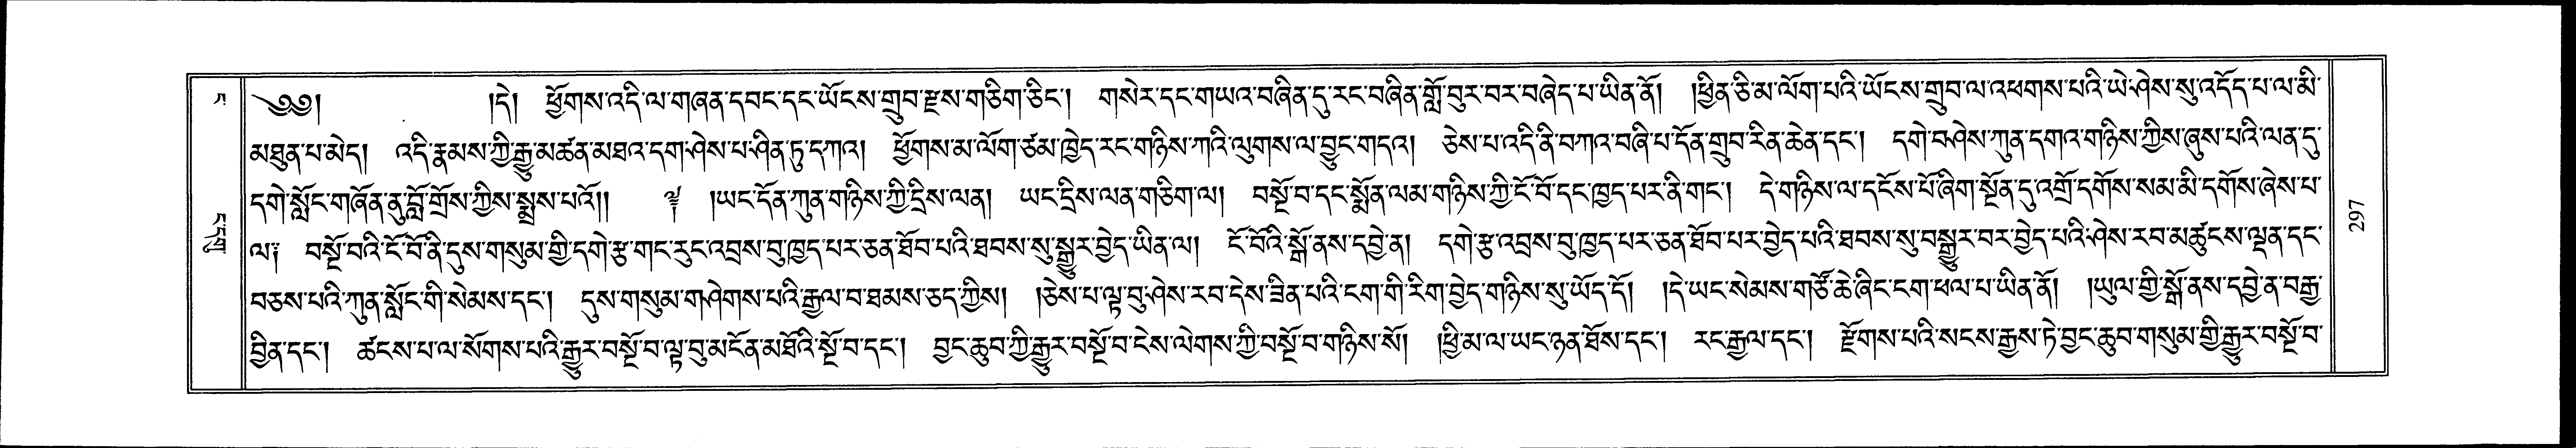༄༅། །དེ། ཕྱོགས་འདི་ལ་གཞན་དབང་དང་ཡོངས་གྲུབ་རྫས་གཅིག་ཅིང་། གསེར་དང་གཡའ་བཞིན་དུ་རང་བཞིན་གློ་བུར་བར་བཞེད་པ་ཡིན་ནོ། །ཕྱིན་ཅི་མ་ལོག་པའི་ཡོངས་གྲུབ་ལ་འཕགས་པའི་ཡེ་ཤེས་སུ་འདོད་པ་ལ་མི་
མཐུན་པ་མེད། འདི་རྣམས་ཀྱི་རྒྱུ་མཚན་མཐའ་དག་ཤེས་པ་ཤིན་ཏུ་དཀའ། ཕྱོགས་མ་ལོག་ཙམ་ཁྱེད་རང་གཉིས་ཀའི་ལུགས་ལ་བྱུང་གདའ། ཅེས་པ་འདི་ནི་བཀའ་བཞི་པ་དོན་གྲུབ་རིན་ཆེན་དང་། དགེ་བཤེས་ཀུན་དགའ་གཉིས་ཀྱིས་ཞུས་པའི་ལན་དུ་
དགེ་སློང་གཞོན་ནུ་བློ་གྲོས་ཀྱིས་སྨྲས་པའོ།། ༈ །ཡང་དོན་ཀུན་གཉིས་ཀྱི་དྲིས་ལན། ཡང་དྲིས་ལན་གཅིག་ལ། བསྔོ་བ་དང་སྨོན་ལམ་གཉིས་ཀྱི་ངོ་བོ་དང་ཁྱད་པར་ནི་གང་། དེ་གཉིས་ལ་དངོས་པོ་ཞིག་སྔོན་དུ་འགྲོ་དགོས་སམ་མི་དགོས་ཞེས་པ་
ལ། བསྔོ་བའི་ངོ་བོ་ནི་དུས་གསུམ་གྱི་དགེ་རྩ་གང་རུང་འབྲས་བུ་ཁྱད་པར་ཅན་ཐོབ་པའི་ཐབས་སུ་སྒྱུར་བྱེད་ཡིན་ལ། ངོ་བོའི་སྒོ་ནས་དབྱེ་ན། དགེ་རྩ་འབྲས་བུ་ཁྱད་པར་ཅན་ཐོབ་པར་བྱེད་པའི་ཐབས་སུ་བསྒྱུར་བར་བྱེད་པའི་ཤེས་རབ་མཚུངས་ལྡན་དང་
བཅས་པའི་ཀུན་སློང་གི་སེམས་དང་། དུས་གསུམ་གཤེགས་པའི་རྒྱལ་བ་ཐམས་ཅད་ཀྱིས། །ཅེས་པ་ལྟ་བུ་ཤེས་རབ་དེས་ཟིན་པའི་ངག་གི་རིག་བྱེད་གཉིས་སུ་ཡོད་དོ། །དེ་ཡང་སེམས་གཙོ་ཆེ་ཞིང་ངག་ཕལ་པ་ཡིན་ནོ། །ཡུལ་གྱི་སྒོ་ནས་དབྱེ་ན་བརྒྱ་
བྱིན་དང་། ཚངས་པ་ལ་སོགས་པའི་རྒྱུར་བསྔོ་བ་ལྟ་བུ་མངོན་མཐོའི་སྔོ་བ་དང་། བྱང་ཆུབ་ཀྱི་རྒྱུར་བསྔོ་བ་ངེས་ལེགས་ཀྱི་བསྔོ་བ་གཉིས་སོ། །ཕྱི་མ་ལ་ཡང་ཉན་ཐོས་དང་། རང་རྒྱལ་དང་། རྫོགས་པའི་སངས་རྒྱས་ཏེ་བྱང་ཆུབ་གསུམ་གྱི་རྒྱུར་བསྔོ་བ་